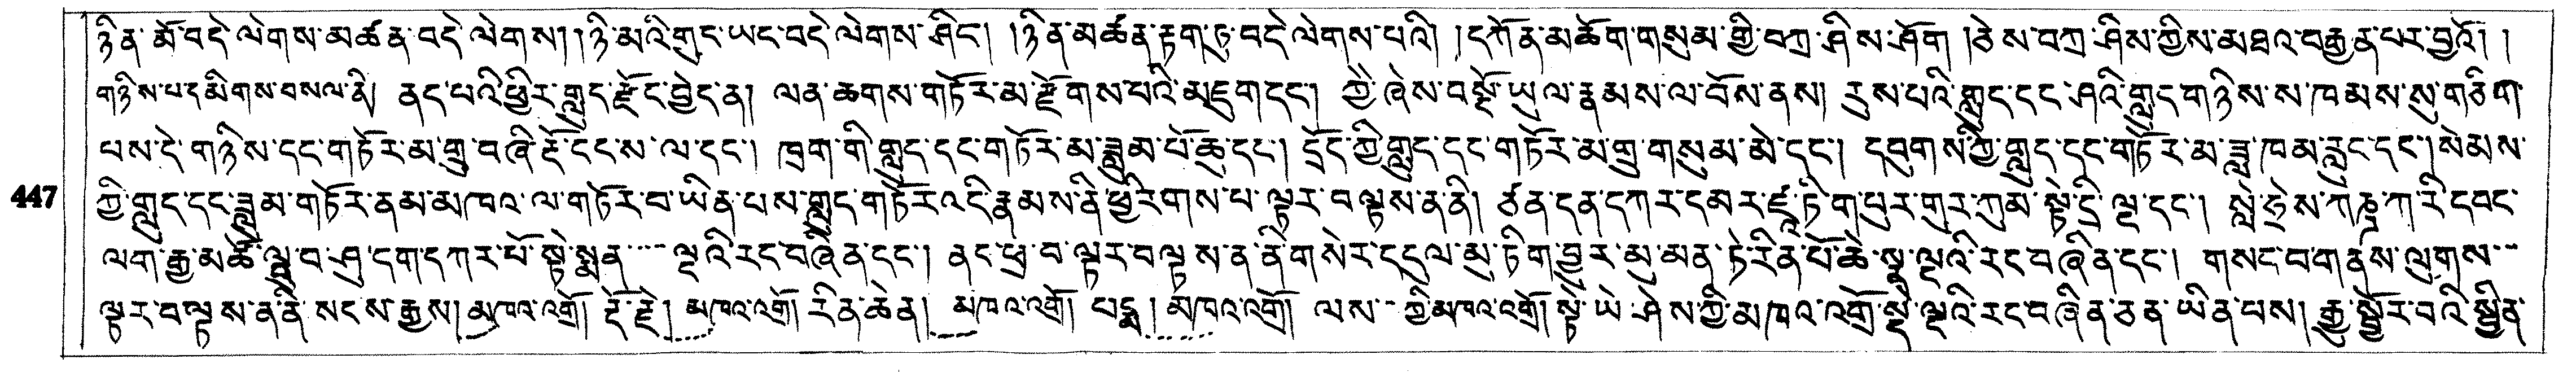ཉིན་མོ་བདེ་ལེགས་མཚན་བདེ་ལེགས། །ཉི་མའི་གུང་ཡང་བདེ་ལེགས་ཤིང་། །ཉིན་མཚན་རྟག་ཏུ་བདེ་ལེགས་པའི། །དཀོན་མཆོག་གསུམ་གྱི་བཀྲ་ཤིས་ཤོག །ཅེས་བཀྲ་ཤིས་ཀྱིས་མཐའ་བརྒྱན་པར་བྱའོ། །
གཉིས་པ་དམིགས་བསལ་ནི།  ནད་པའི་ཕྱིར་གླུང་རྫོང་བྱེད་ན། ལན་ཆགས་གཏོར་མ་རྫོགས་པའི་མཇུག་དང་། ཀྱཻ་ཞེས་བསྔོ་ཡུལ་རྣམས་ལ་བོས་ནས། རུས་པའི་གླུང་དང་ཤའི་གླུང་གཉིས་ས་ཁམས་སུ་གཅིག་
པས་དེ་གཉིས་དང་གཏོར་མ་གྲུ་བཞི་རྡོ་དང་ས་ལ་དང་། ཁྲག་གི་གླུད་དང་གཏོར་མ་ཟླུམ་པོ་ཆུ་དང་། དྲོད་ཀྱི་གླུད་དང་གཏོར་མ་གྲུ་གསུམ་མེ་དང་། དབུགས་ཀྱི་གླུད་དང་གཏོར་མ་ཟླ་ཁམ་རླུང་དང་། སེམས་
ཀྱི་གླུང་དང་ཟླུམ་གཏོར་ནམ་མཁའ་ལ་གཏོར་བ་ཡིན་པས་གླུད་གཏོར་འདི་རྣམས་ནི་ཕྱི་རགས་པ་ལྟར་བལྟས་ན་ནི། ཙན་དན་དཀར་དམར་ཛཱ་ཏི་ག་པུར་གུར་ཀུམ་སྟེ་དྲི་ལྔ་དང་། སླེ་ཧྲེས་ཀཎྜ་ཀ་རི་དབང་
ལག་རྒྱ་མཚོ་ལྦུ་བ་ཤུ་དག་དཀར་པོ་སྟེ་སྨན་ལྔའི་རང་བཞིན་དང་། ནང་ཕྲ་བ་ལྟར་བལྟས་ན་ནི་གསེར་དངུལ་མུ་ཏིག་བྱུར་མུ་མན་ཏེ་རིན་པོ་ཆེ་སྣ་ལྔའི་རང་བཞིན་དང་། གསང་བ་གནས་ལུགས་
ལྟར་བལྟས་ན་ནི་སངས་རྒྱས། མཁའ་འགྲོ། རྡོ་རྗེ། མཁའ་འགྲོ། རིན་ཆེན། མཁའ་འགྲོ། པདམ། མཁའ་འགྲོ། ལས་ཀྱི་མཁའ་འགྲོ། སྟེ་ཡེ་ཤེས་ཀྱི་མཁའ་འགྲོ་སྡེ་ལྔའི་རང་བཞིན་ཅན་ཡིན་པས། རྒྱུ་སྦྱོར་བའི་སྦྱིན་